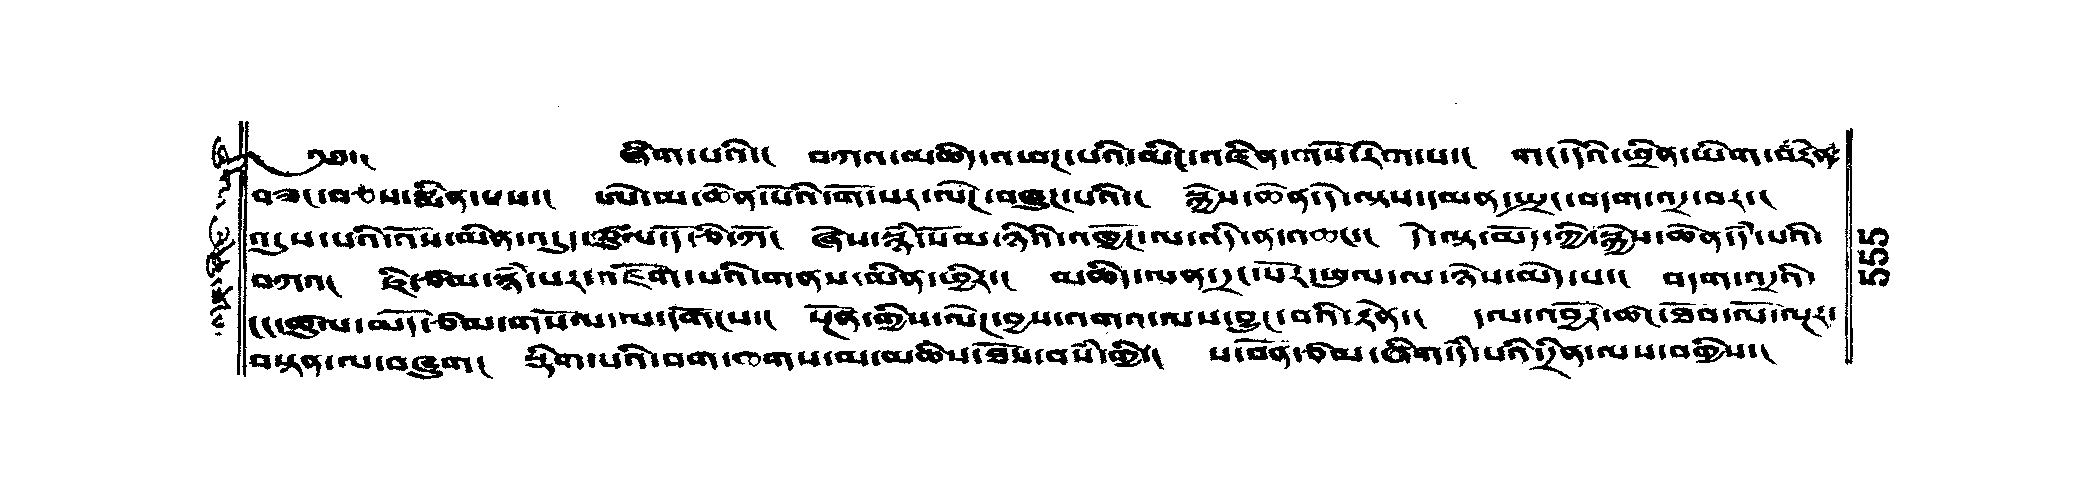ཞིག་པའི། །བཀའ་མཆིད་འཕགས་པའི་མིང་འཛིན་གསོ་རིག་པ། །གང་དེའི་ཕྲིན་ཡིག་རྟེན་
བཟང་བཅས་སྨིན་པས། །ཨེ་མ་ཆེན་པོའི་གོ་སར་ལེགས་བཞུགས་པའི། །སྐྱེས་ཆེན་དེ་ལྟས་དམན་སྤྲང་བདག་འདྲ་བར། །
འདུས་པའི་འོས་མིན་འདུད་ཚུལ་དེ་ཅི་ཀོ། །ཞེས་སྙམ་སོམ་ཉིའི་འཁྱོགས་ལ་འདི་ན་འཆང་། །དེ་ལྟ་མོད་ཀྱི་སྐྱེས་ཆེན་དམ་པའི་
བཀའ། །ཇི་མི་སྙམ་པར་འཇོག་པའི་གནས་མིན་ཕྱིར། །མཆིད་ལན་དྲང་པོར་ཕུལ་ལ་ཉེས་མེད་པ། །བདག་འདྲའི་
ངང་ཚུལ་མདོ་ཙམ་གསོལ་ལ་དགོངས། །སྔོན་གྱིས་ལེགས་བྱས་འགའ་ལས་བྱུང་བའི་རྟེན། །དལ་འབྱོར་ཚང་ཐོབ་ལོ་ལྔར་
བསྟན་ལ་ཞུགས། །སྡིག་པའི་བག་ཆགས་མ་མཆིས་ཐོས་བསམ་གྱི། །ས་བོན་ཙམ་ཞིག་དམ་པའི་དྲིན་ལས་བགྱིས།